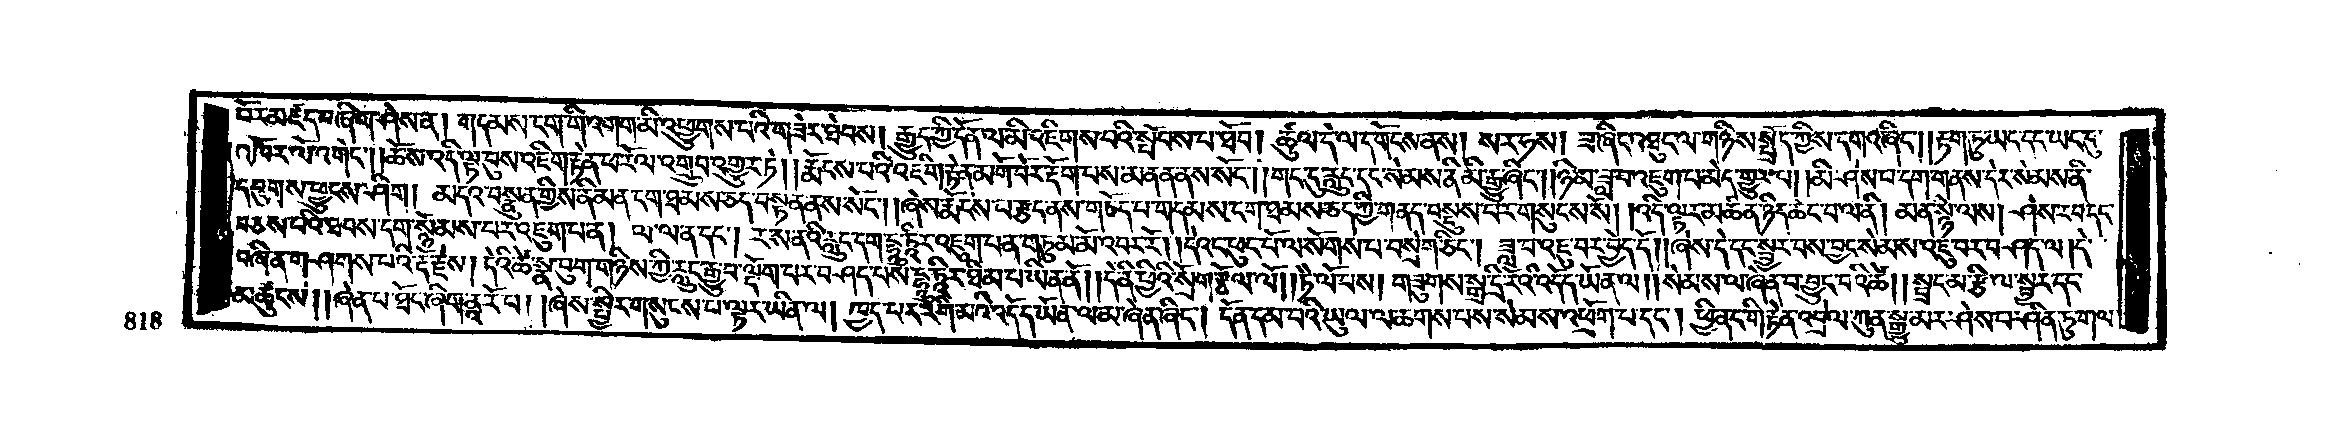པོར་མཛད་པ་ཞིག་ཤེས་ན། གདམས་ངག་གི་འགག་མི་འཕྱུགས་པའི་གཟེར་ཐེབས། རྒྱུད་ཀྱི་དོན་ལ་མི་འཇིགས་པའི་སྤོབས་པ་ཐོབ། ཚུལ་དེ་ལ་དགོངས་ནས། ས་ར་ཧས། ཟ་ཞིང་འཐུང་ལ་གཉིས་སྤྲོད་ཀྱིས་དགའ་ཞིང་། །རྟག་ཏུ་ཡང་དང་ཡང་དུ་
འཁོར་ལོ་འགེང་། །ཆོས་འདི་ལྟ་བུས་འཇིག་རྟེན་ཕ་རོལ་འགྲུབ་འགྱུར་ཏེ། །རྨོངས་པའི་འཇིག་རྟེན་མགོ་བོར་རྡོག་པས་མནན་ནས་སོང་། །གང་དུ་རླུང་དང་སེམས་ནི་མི་རྒྱུ་ཞིང་། །ཉི་མ་ཟླ་བ་འཇུག་པ་མེད་གྱུར་པ། །མི་ཤེས་པ་དག་གནས་དེར་སེམས་ནི་
དབུགས་ཕྱུངས་ཤིག །མདའ་བསྣུན་གྱིས་ནི་མན་ངག་ཐམས་ཅད་བསྟན་ནས་སོང་། །ཞེས་རྨོངས་པ་རྩད་ནས་གཅོད་པ་གདམས་ངག་ཐམས་ཅད་ཀྱི་གནད་བསྡུས་པར་གསུངས་སོ། །འདི་ལྟར་མཚན་ཉིད་ཚང་བ་ལ་ནི། མན་སྙེ་ལས། ཤེས་རབ་དང་
བཅས་པའི་ཐབས་དག་སྙོམས་པར་འཇུག་པ་ན། ལ་ལ་ན་དང་། ར་ས་ནའི་རླུང་དག་དྷཱུ་ཏཱིར་འཇུག་པ་ན་གཏུམ་མོ་འབར་རོ། །དེའང་ཕུང་པོ་ལ་སོགས་པ་བསྲེག་ཅིང་། ཟླ་བ་འཇུ་བར་བྱེད་དོ། །ཞེས་དེ་དང་སྦྱར་བས་བྱང་སེམས་འཇུ་བར་བཤད་ལ། དེ་
བཞིན་གཤེགས་པའི་རྡོ་རྗེས། དེའི་ཚེ་སྣ་བུག་གཉིས་ཀྱི་རླུང་རྒྱུ་བ་ལྡོག་པར་བཤད་པས་དྷཱུ་ཏཱིར་ཐིམ་པ་ཡིན་ནོ། །དེ་ནི་ཕྱིའི་སྲོག་རྩོལ་ལོ། །ཏཻ་ལོ་པས། གཟུགས་སྒྲ་དྲི་རོའི་འདོད་ཡོན་ལ། །སེམས་ལ་ཞེན་པ་བྱུང་བའི་ཚེ། །སྦྲང་མ་རྩི་ལ་སྦྱར་དང་
མཚུངས། །ཞེན་པ་ཐོང་ཞིག་ནཱ་རོ་པ། །ཞེས་སྤྱིར་གསུངས་པ་ལྟར་ཡིན་ལ། ཁྱད་པར་རིག་མའི་འདོད་ཡོན་ལ་མ་ཞེན་ཞིང་། དོན་དམ་པའི་ཡུལ་ལ་ཆགས་པས་སེམས་འཕྲོག་པ་དང་། ཕྱི་ནང་གི་རྟེན་འབྲེལ་ཀུན་སྒྱུ་མར་ཤེས་པ་ཤིན་ཏུ་གལ་